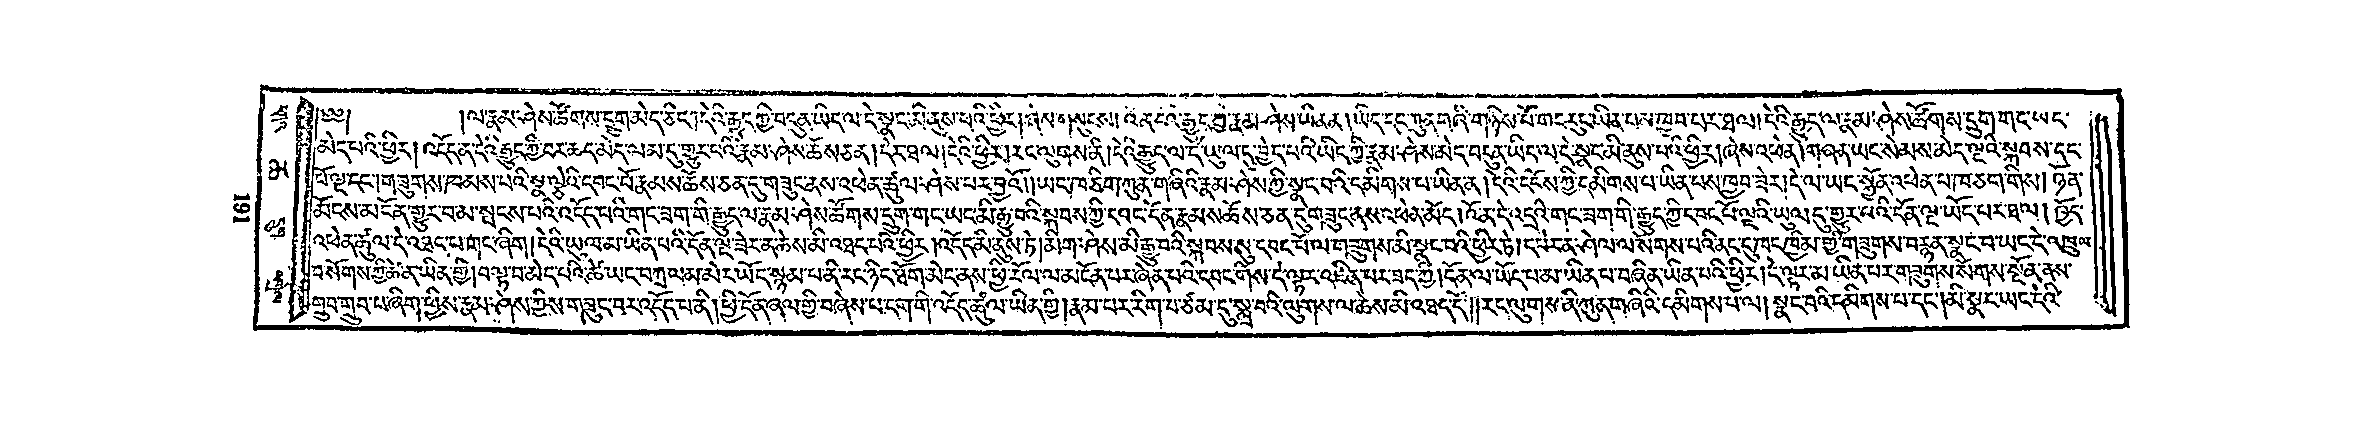༄༅། །ལ་རྣམ་ཤེས་ཚོགས་དྲུག་མེད་ཅིང་། དེའི་རྒྱུད་ཀྱི་བདུན་ཡིད་ལ་དེ་སྣང་མི་ནུས་པའི་ཕྱིར། ཞེས་གསུངས། འོ་ན་དེའི་རྒྱུད་ཀྱི་རྣམ་ཤེས་ཡིན་ན། ཡིད་དང་ཀུན་གཞི་གཉིས་པོ་གང་རུང་ཡིན་པས་མ་ཁྱབ་པར་ཐལ། དེའི་རྒྱུད་ལ་རྣམ་ཤེས་ཚོགས་དྲུག་གང་ཡང་
མེད་པའི་ཕྱིར། འདོད་ན་དེའི་རྒྱུད་ཀྱི་བར་ཆད་མེད་ལམ་དུ་གྱུར་པའི་རྣམ་ཤེས་ཆོས་ཅན། དེར་ཐལ། དེའི་ཕྱིར། རང་ལུགས་ནི། དེའི་རྒྱུད་ལ་དེ་ཡུལ་དུ་བྱེད་པའི་ཡིད་ཀྱི་རྣམ་ཤེས་མེད་བདུན་ཡིད་ལ་དེ་སྣང་མི་ནུས་པའི་ཕྱིར། ཞེས་འཕེན། གཞན་ཡང་སེམས་མེད་ལྔའི་སྐབས་དང་
པོ་ལྔ་དང་། གཟུགས་ཁམས་པའི་སྣ་ལྕེའི་དབང་པོ་རྣམས་ཆོས་ཅན་དུ་གཟུང་ནས་འཕེན་ཚུལ་ཤེས་པར་བྱའོ། །ཡང་ཁ་ཅིག་ཀུན་གཞིའི་རྣམ་ཤེས་ཀྱི་སྣང་བའི་དམིགས་པ་ཡིན་ན། དེའི་དངོས་ཀྱི་དམིགས་པ་ཡིན་པས་ཁྱབ་ཟེར། དེ་ལ་ཡང་སྐྱོན་འཕེན་པ་ཁ་ཅིག་གིས། ཉོན་
མོངས་མངོན་གྱུར་བ་མ་སྤངས་པའི་འདོད་པའི་གང་ཟག་གི་རྒྱུད་ལ་རྣམ་ཤེས་ཚོགས་དྲུག་གང་ཡང་མི་རྒྱུ་བའི་སྐབས་ཀྱི་དབང་དོན་རྣམས་ཆོས་ཅན་དུ་གཟུང་ནས་འཕེན་མོད། འོ་ན་དེ་འདྲའི་གང་ཟག་གི་རྒྱུད་ཀྱི་དབང་པོ་ལྔའི་ཡུལ་དུ་གྱུར་པའི་དོན་ལྔ་ཡོད་པར་ཐལ། ཁྱོད་
འཕེན་ཚུལ་དེ་འཐད་པ་གང་ཞིག །དེའི་ཡུལ་མ་ཡིན་པའི་དོན་ལྔ་ཟེར་ན་ཆེས་མི་འཐད་པའི་ཕྱིར། འདོད་མི་ནུས་ཏེ། མིག་ཤེས་མི་རྒྱུ་བའི་སྐབས་སུ་དབང་པོ་ལ་གཟུགས་མི་སྣང་བའི་ཕྱིར་ཏེ། དཔེར་ན་ཤེལ་ལ་སོགས་པའི་ནང་དུ་ཁང་ཁྱིམ་གྱི་གཟུགས་བརྙན་སྣང་བ་ཡང་དེ་འཁྲུལ་
བ་སོགས་ཀྱི་ཚེ་ན་ཡིན་གྱི། བལྟ་བ་མེད་པའི་ཚེ་ཡང་བཀྲ་ལམ་མེར་ཡོད་སྙམ་པ་ནི་རང་ཉིད་ཐོག་མེད་ནས་ཕྱི་རོལ་ལ་མངོན་པར་ཞེན་པའི་དབང་གིས་དེ་ལྟར་འཛིན་པར་ཟད་ཀྱི། དོན་ལ་ཡོད་པ་མ་ཡིན་པ་བཞིན་ཡིན་པའི་ཕྱིར། དེ་ལྟར་མ་ཡིན་པར་གཟུགས་སོགས་སྔོན་ནས་
གྲུབ་གྲུབ་པ་ཞིག་ཕྱིས་རྣམ་ཤེས་ཀྱིས་གཟུང་བར་འདོད་པ་ནི། ཕྱི་དོན་ཞལ་གྱི་བཞེས་པ་དག་གི་འདོད་ཚུལ་ཡིན་གྱི། རྣམ་པར་རིག་པ་ཙམ་དུ་སྨྲ་བའི་ལུགས་ལ་ཆེས་མི་འཐད་དོ། །རང་ལུགས་ནི་ཀུན་གཞིའི་དམིགས་པ་ལ། སྣང་བའི་དམིགས་པ་དང་། མི་སྣང་ཡང་དེའི་